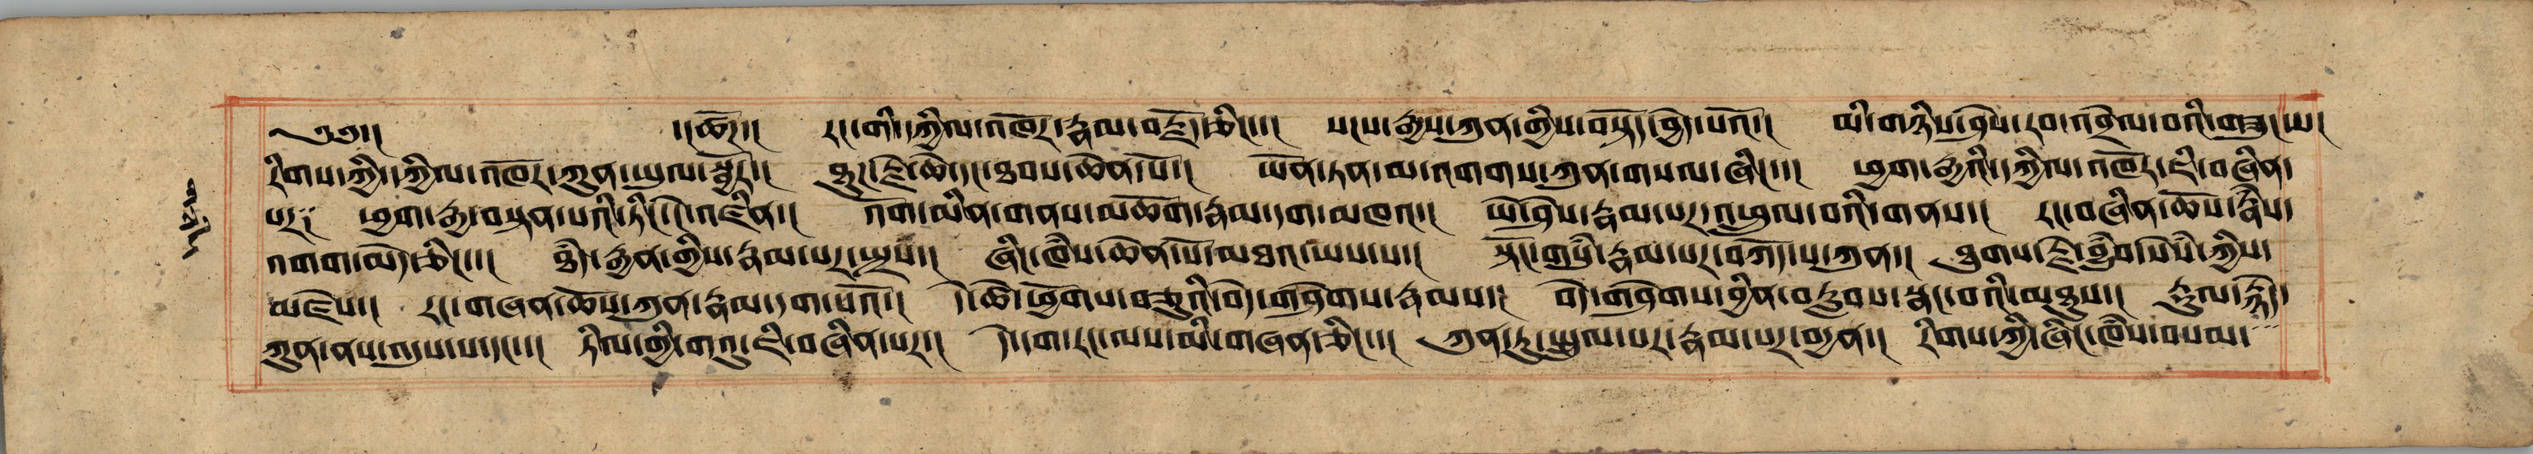༄༅་། ་།ཚོཌ་། རང་གི་དཀྱིལ་འཁོར་རྣམ་བརྗོད་ཅིང་་། སངས་རྒྱས་ཀུན་གྱིས་བསྟོད་བྱེད་པའོ་། མི་གཉིས་ཤེས་རབ་འབྲེལ་བའི་གཟུངས་།
རིགས་ཀྱི་དཀྱིལ་འཁོར་ཀུན་ཡུལ་སྦྱོར་། ཐུཌ་རྗེ་ཆེ་དང་ཐབས་ཆེན་པོ་། ཡོན་ཏན་མ་འགགས་ཀུན་གསལ་ཞིང་་། ཕྱག་རྒྱའི་དཀྱིལ་འཁོར་ཇི་བཞིན་
པར༑ ཕྱག་རྒྱ་བསྟན་པའི་ཏིང་ངེ་འཛིན་། འོག་མིན་གནས་མཆོག་རྣམ་དག་མཁའ་། ཡེ་ཤེས་རྣམ་པར་འཕྲུལ་བའི་གནས་། རང་བཞིན་ཆོས་རྣཾས་
འགག་མེད་ཅིང་་། ཐཾད་རྒྱན་གྱིས་རྣམ་པར་སྤྲས་། ཞིང་ཁཾས་ཆེན་པོ་མཐའ་ཡས་པ་། སྟོང་གསུཾ་རྣམ་པར་བཀོད་པ་ཀུན་། ཐུགས་རྗེ་བྱུཾབ་སེཾས་ཀྱིས་
མཛེས་། རང་བཞིན་ཆོས་ཀུན་རྣམ་དག་པའོ་། དེ་ཚེ་ཕྱོགས་བཅུའི་བདེ་གཤེགས་རྣམས་། བདེ་གཤེགས་བྱིན་བརླབས་སྣང་བའི་མཐུས་། རྡུལ་རྙེད་
ཀུན་ནས་འདུས་པ་དང་་། ཏིལ་གྱི་གའུ་ཇི་བཞིན་པར་། དེ་དག་རང་ལས་མི་གཞན་ཅིང་་། ཀུན་ཏུ་སྤྲུལ་པར་རྣམ་པར་བདྱན་། རིགས་ཀྱི་ཞིང་ཁཾས་བསམ་